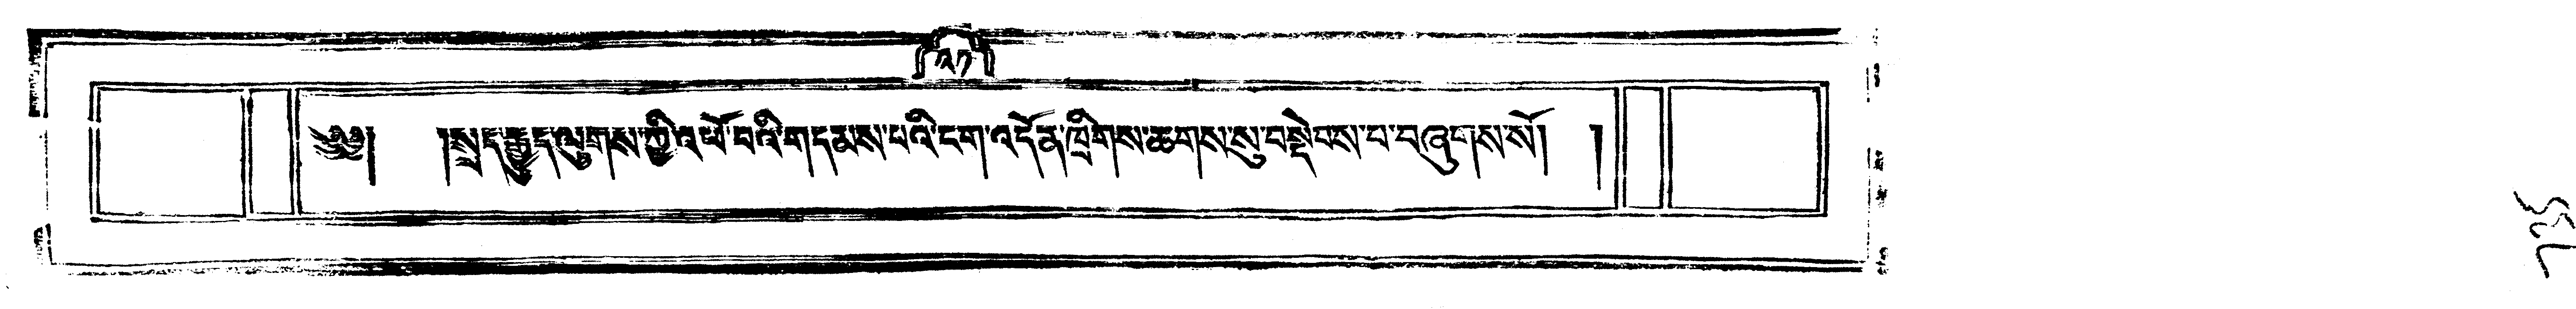༄༅། །སྲད་རྒྱུད་ལུགས་ཀྱི་འཕོ་བའི་གདམས་པའི་ངག་འདོན་ཁྲིགས་ཆགས་སུ་བསྡེབས་བ་བཞུགས་སོ། །